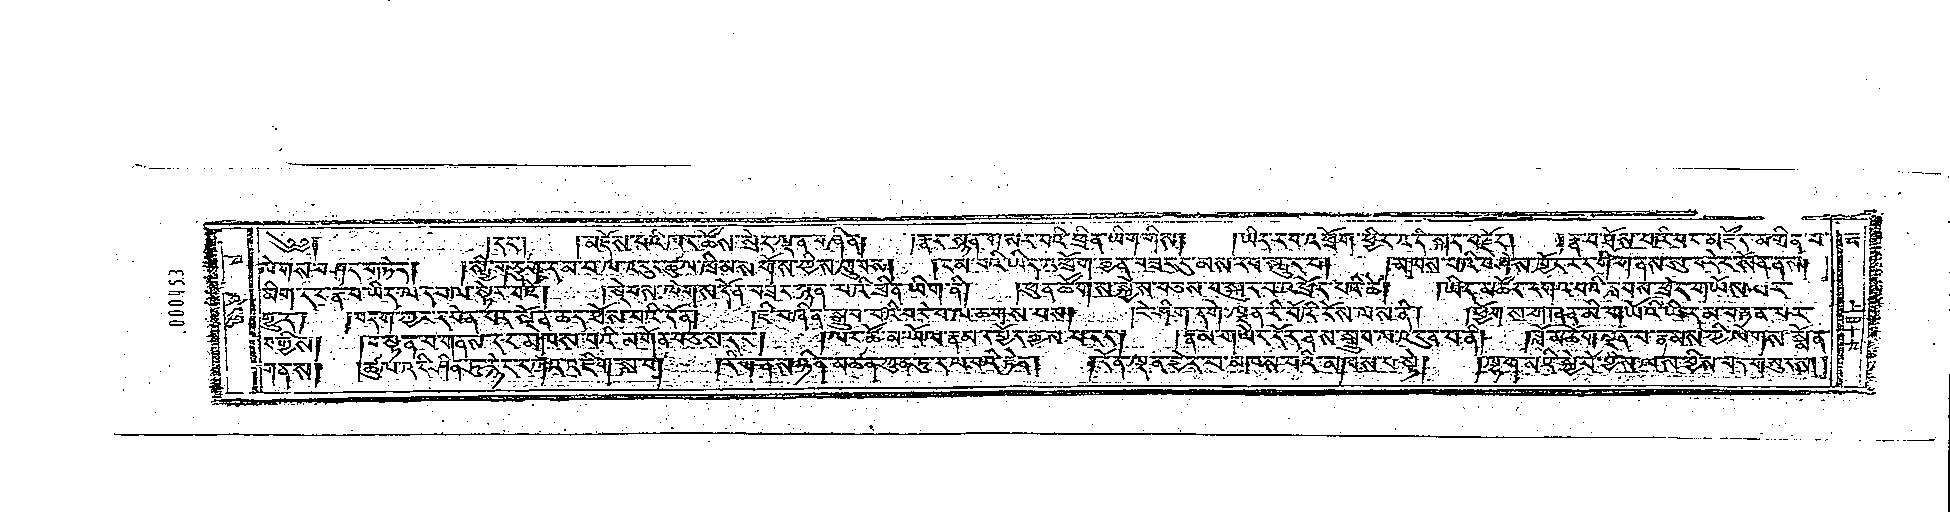༄༅། །དང་། །མཛེས་བའི་ལང་ཚོས་སྲེང་ལྡན་བཞིན། །རྣར་སྙན་གསར་བའི་ཕྲིན་ཡིག་གིས། །ཡིད་རབ་འཕྲོག་ཕྱིར་འདི་སྐད་བརྗོད། །རྣ་བ་ཐོས་པའི་བང་མཛོད་མགྲིན་པ་
ལེགས་བཤད་གཏེར། །སྤྱི་གཙུག་དམ་བ་ལ་འདུང་ཚུལ་ཁྲིམས་གོས་ཀྱིས་ཀླུབས། །དམ་བའི་ཡིད་འཕྲོག་རྒྱན་བཟང་དུ་མས་རབ་སྤུང་པ། །མཁས་པའི་བཤེས་ཁྱོད་རང་གི་གནས་སུ་བདེར་སོན་ནས།
མིག་དང་རྣ་བ་ཡིད་ལ་དཔལ་སྟེར་བའི། །སྡེབས་ལེགས་དོན་བཟང་སྙན་པའི་ཕྲིན་ཡིག་ནི། །ཕུན་ཚོགས་སྐྱེས་བཅས་བསྐུར་བ་འཕྲོད་པའི་ཚེ། །ཡིད་མཚོར་དགའ་བའི་རླབས་ཕྲེང་གཡོས་པར་
གྱུར། །བདག་ཀྱང་དབེན་པར་སྔོན་ཆད་ཐོས་བའི་དོན། །ཇི་བཞིན་སྒྲུབ་བའི་བདེ་བ་ལ་ཆགས་པས། །རེ་ཤིག་དགེ་ལྡན་རི་བོའི་ངོས་ལས་ནི། །ཕྱོགས་གཞན་མི་གཡོའི་ཡི་དམ་བརྟན་པར་
བགྱིས། །བསྟན་པ་གནས་དང་མཁས་པའི་མགོན་བཅས་དང་། །ལང་ཚོ་མ་ཡོལ་རྣམ་དཔྱོད་རྒྱས་པ་དང་། །རྣམ་གཡེང་ངོར་ནས་སྒྲུབ་ལ་འདུན་བ་ནི། །བློ་མཆོག་ལྡན་པ་རྣམས་ཀྱི་ལེགས་སྨོན་
གནས། །ཚུལ་འདི་ཤིན་ཏུ་རྙེད་དཀའ་འཇིག་སླ་བ། །རིག་ནས་ཉིན་མཚན་ཀུན་ཏུ་དལ་བའི་རྟེན། །དོན་ལྡན་བྱེད་པ་མཁས་པའི་མཁས་པ་སྟེ། །ལྷག་མའི་སྐྱེ་བོ་བྱིས་ལས་བྱིས་པར་གསུངས།